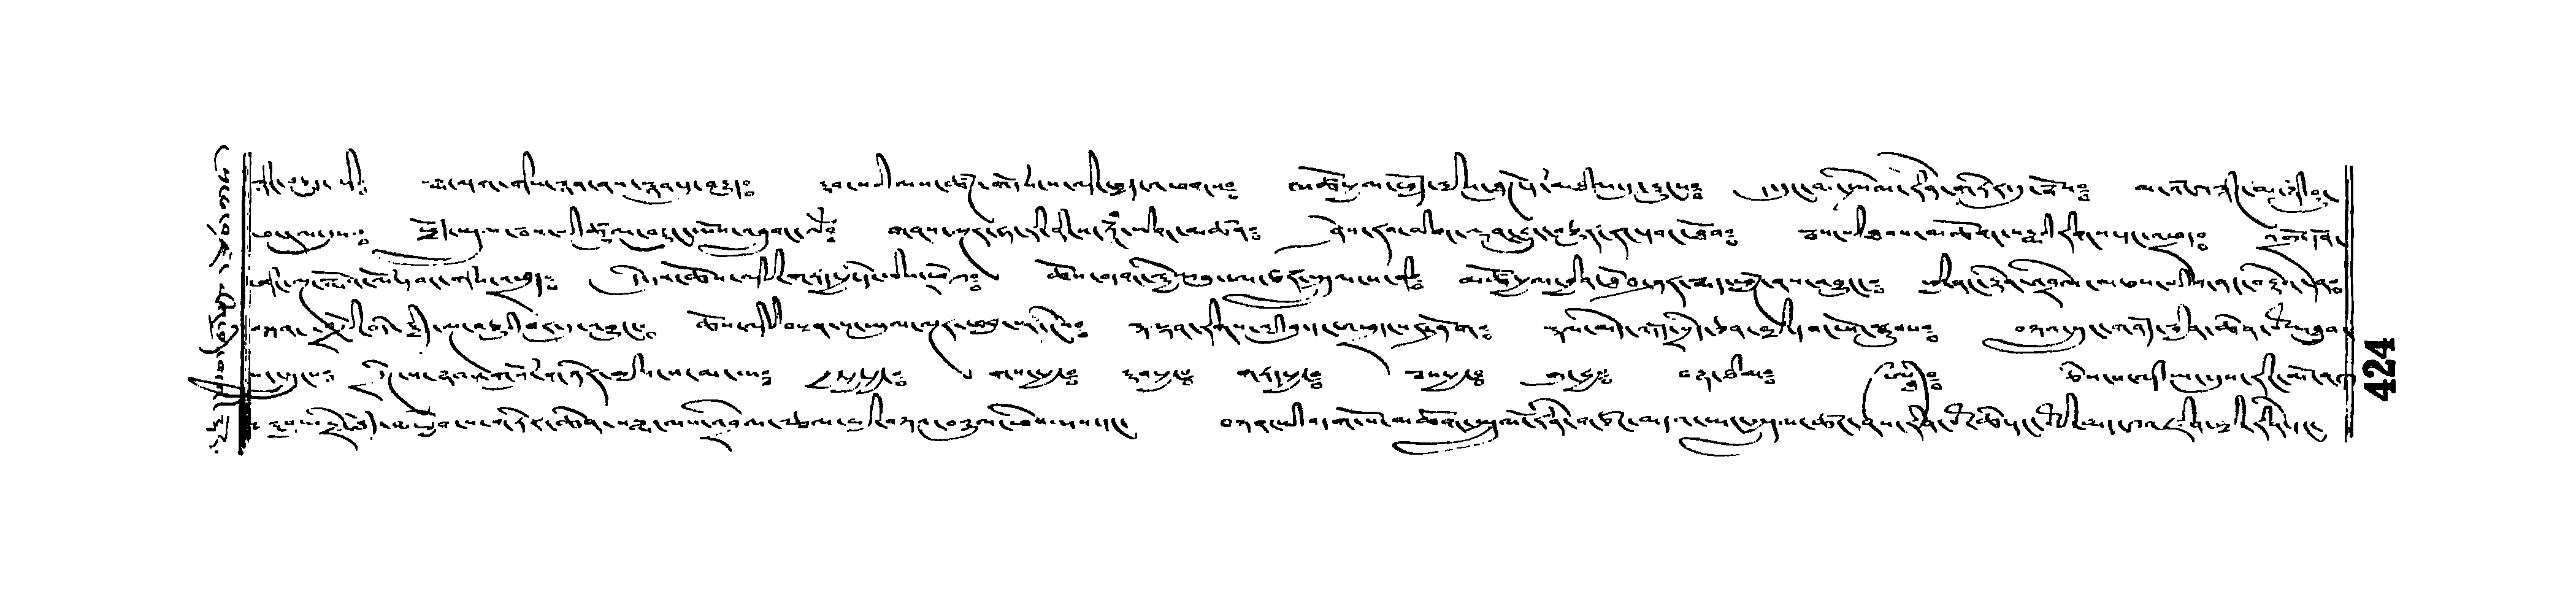སྙིང་བཅུད་འདི༔ པདྨ་བདག་གིས་སྙན་ནས་སྙན་དུ་བརྒྱུད༔ ཟབ་པའི་ལས་ཚོགས་གདམས་པ་འདི་ཁྱད་འཕགས༔ མཚོ་རྒྱལ་ཁྱོད་ཀྱིས་ཐུགས་དམ་མཐིལ་དུ་ཟུངས༔ ད་དུང་མ་སྤེལ་རིན་ཆེན་གཏེར་དུ་སྦོས༔ མ་འོངས་སྙིགས་མ་ཉི་ཤུ་
ཁ་རལ་དུས༔ ཁྱོད་སྤྲུལ་སྦས་པའི་ཚུལ་བཟུང་ཡོས་འབྲུག་ལོ༔ གནས་ལྔར་ཧ་རི་ནི་ས་ཏཱྃ་ཡིག་མཚན༔ ཤེས་རབ་མིག་ལྡན་རླུང་བཅུར་རང་དབང་ཐོབ༔ སྦས་པའི་ཐབས་མཆོག་པདྨའི་རིགས་དང་འཕྲད༔ འགྲོ་དོན་
ཞིང་ལྔ་སྨོན་ལམ་དབང་གིས་འཕྲད༔ དེ་དུས་ཆོས་འདིའི་གཏད་རྒྱ་དེ་ཡིས་ཕྲོལ༔ ཆོས་བདག་སྐྱེས་བུ་ཨ་ཙར་སྤྲུལ་པ་ནི༔ མཚོ་རྒྱལ་བྱིན་ཐོབ་ཤར་སྨད་ཕྱོགས་ནས་འབྱུང༔ ཕྱི་ནང་རྟེན་འབྲེལ་མཁས་པའི་གནད་བརྟེན་ན༔ 
བསྟན་འགྲོའི་བདེ་སྐྱིད་ལྔ་བཅུའི་བར་དུ་འབྱུང༔ཆོས་འདིའི་བསྟན་པ་ཡུལ་ལྔར་ཁྱབ་པར་ངེས༔ སྐལ་ལྡན་རིགས་ཀྱི་བུ་དང་འཕྲད་པར་ཤོག༔ སྐལ་མེད་འདོད་སྲེད་ཅན་གྱི་དབང་པོ་སྣུབས༔ བཀའ་སྲུང་གནོད་སྦྱིན་ཆེན་པོར་ཐུབ་
ཡང་སྲུངས༔ དྲེགས་པ་རྣམས་གསུམ་གཉེར་གྱིས་ས་མ་ཡ༔ རྒྱ་རྒྱ་རྒྱ༔ གསང་རྒྱ༔ ཟབ་རྒྱ༔ གཏད་རྒྱ༔ སྦས་རྒྱ༔ གུ་ཧྱ༔ བརྡ་ཐིམ༔ ༔ ཅེས་པ་འདི་ཡང་དུས་རིང་མོ་ནས་
སྐྱབས་རྗེ་ཐམས་ཅད་མཁྱེན་པ་གཏེར་ཆེན་པདྨ་ལས་འབྲེལ་རྩལ་གྱི་བཀའ་བསྐུལ་ཕེབས་པ་དང་། བསྟན་པའི་བདག་པོ་མཆོག་སྤྲུལ་རིན་པོ་ཆེ་གཙང་མདའ་ཡང་སྤྲུལ་ཚང་ནས་རིན་པོ་ཆེ་དང་པོའི་མདངས་འཛིན་གྱི་རིན་ཆེན་དང་